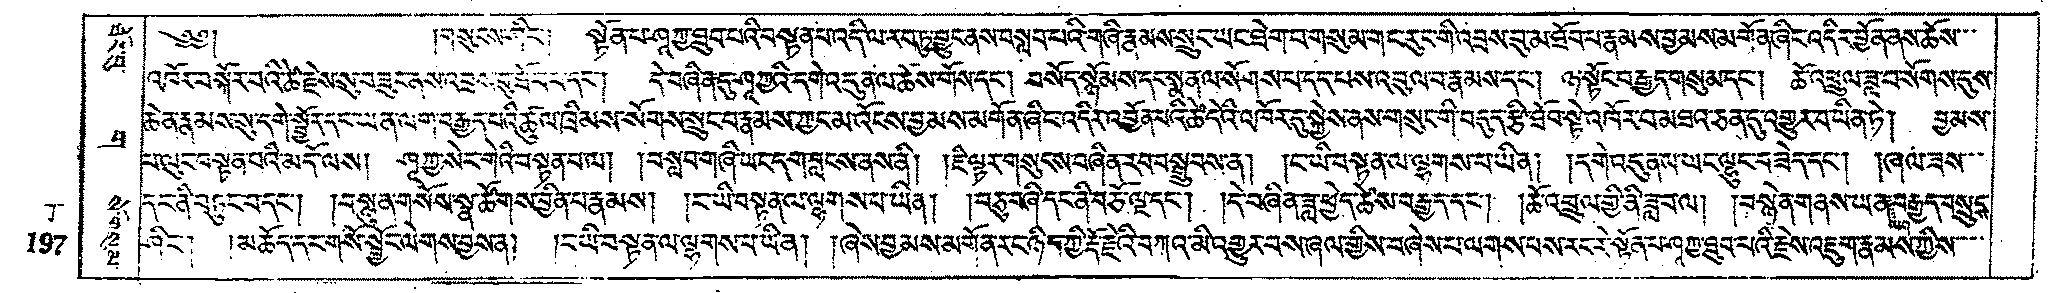༄༅། །གསུངས་ཤིང་། སྟོན་པ་ཤཱཀྱ་ཐུབ་པའི་བསྟན་པ་འདི་ལ་རབ་ཏུ་བྱུང་ནས་བསླབ་པའི་གཞི་རྣམས་སྲུང་ཡང་ཐེག་པ་གསུམ་གང་རུང་གི་འབྲས་བུ་མ་ཐོབ་པ་རྣམས་བྱམས་མགོན་ཞིང་འདིར་བྱོན་ནས་ཆོས་་་
འཁོར་བསྐོར་བའི་ཚེ་རྗེས་སུ་བཟུང་ནས་འབྲས་བུ་ཐོབ་པ་དང་། དེ་བཞིན་དུ་ཤཱཀྱའི་དགེ་འདུན་ལ་ཆོས་གོས་དང་། བསོད་སྙོམས་དང་སྨན་ལ་སོགས་པ་དད་པས་འབུལ་བ་རྣམས་དང་། ཉ་སྟོང་བརྒྱད་གསུམ་དང་། ཆོ་འཕྲུལ་ཟླ་བ་སོགས་དུས་
ཆེན་རྣམས་སུ་དགེ་སྦྱོར་དང་ཡན་ལག་བརྒྱད་པའི་ཚུལ་ཁྲིམས་སོགས་སྲུང་བ་རྣམས་ཀྱང་མ་འོངས་བྱམས་མགོན་ཞིང་འདིར་འབྱོན་པའི་ཚེ་དེའི་འཁོར་དུ་སྐྱེས་ནས་གསུང་གི་བདུད་རྩི་ཐོབ་སྟེ་འཁོར་བ་མཐའ་ཅན་དུ་འགྱུར་བ་ཡིན་ཏེ། བྱམས་
པ་ལུང་བསྟན་པའི་མདོ་ལས། ཤཱཀྱ་སེང་གེའི་བསྟན་པ་ལ། །བསླབ་གཞི་ཡང་དག་བླངས་ནས་ནི། །ཇི་ལྟར་གསུངས་བཞིན་རབ་བསྒྲུབས་ན། །ང་ཡི་བསྟན་ལ་ལྷགས་པ་ཡིན། །དགེ་འདུན་ལ་ཡང་ལྷུང་བཟེད་དང་། །ཞལ་ཟས་་་
དང་ནི་བཏུང་བ་དང་། །བསྙུན་གསོས་སྣ་ཚོགས་བྱིན་པ་རྣམས། །ང་ཡི་བསྟན་ལ་ལྷགས་པ་ཡིན། །བཅུ་བཞི་དང་ནི་བཅོ་ལྔ་དང་། །དེ་བཞིན་ཟླ་ཕྱེད་ཚེས་བརྒྱད་དང་། །ཆོ་འཕྲུལ་གྱི་ནི་ཟླ་བ་ལ། །བསྙེན་གནས་ཡན་ལག་བརྒྱད་བསྲུངས་
ཤིང་། །མཆོད་དང་གསོ་སྦྱོང་ལེགས་བྱས་ན། །ང་ཡི་བསྟན་ལ་ལྷགས་པ་ཡིན། །ཞེས་བྱམས་མགོན་རང་ཉིད་ཀྱི་རྡོ་རྗེའི་བཀའ་མི་འགྱུར་བས་ཞལ་གྱིས་བཞེས་པ་ལགས་པས་རང་རེ་སྟོན་པ་ཤཱཀྱ་ཐུབ་པའི་རྗེས་འཇུག་རྣམས་ཀྱིས་་་